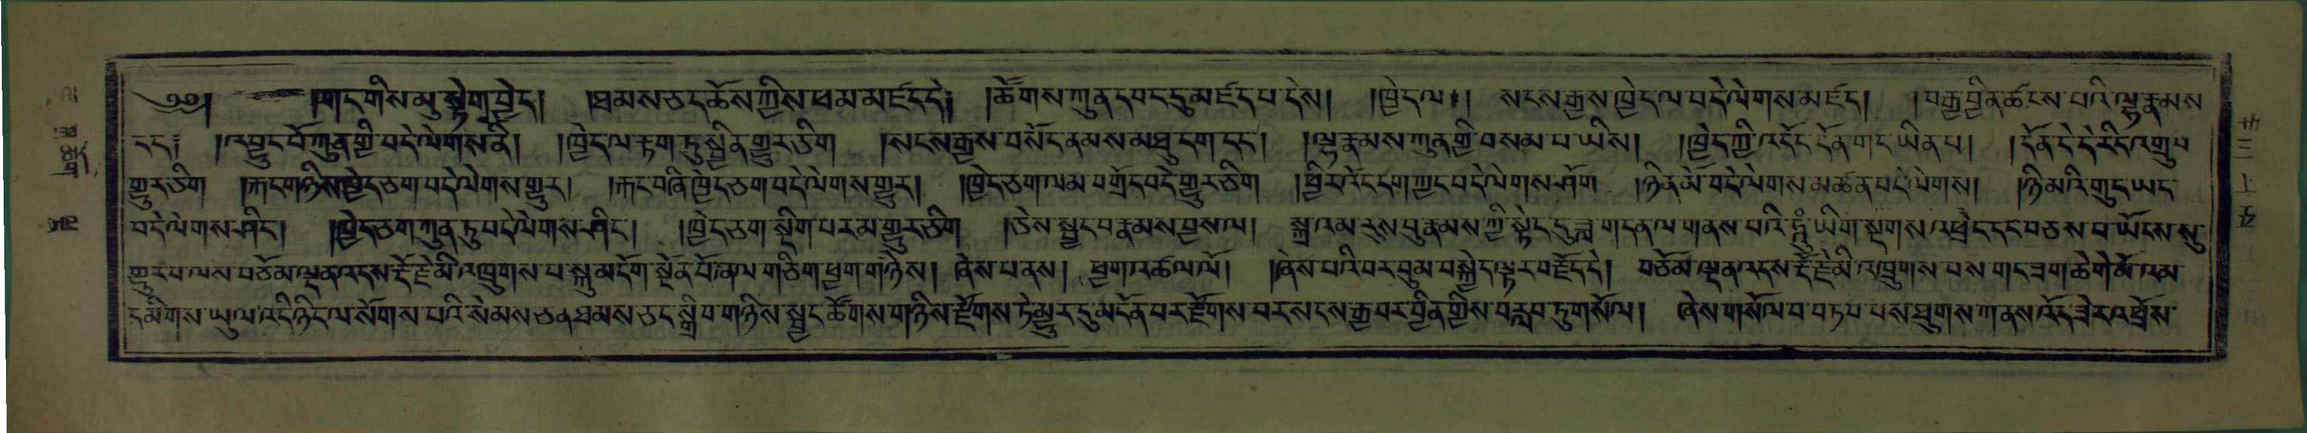༄༅། །གང་གིས་མུ་སྟེགས་བྱེད། །ཐམས་ཅད་ཆོས་ཀྱི་ཕམ་མཛད་དེ། ཚེགས་ཀུན་དབང་དུ་མཛད་པ་དེས། །ཁྱེད་ལ྾། སངས་རྒྱས་ཁྱེད་ལ་བདེ་ལེགས་མཛད། །བརྒྱ་བྱིན་ཚངས་པའི་ལྷ་རྣམས་དཎག། །འབྱུང་པོ་ཀུན་གྱི་བདེ་ལེགས་ནི། །ཁྱེད་ལ་རྟག་ཏུ་སྦྱིན་གྱུར་ཅིག །སངས་
རྒྱས་བསོད་ནམས་མཐུ་དག་དང་། །ལྷ་རྣམས་ཀུན་གྱི་བསམ་པ་ཡིས། །ཁྱེད་ཀྱི་འདོད་དོན་གང་ཡིན་པ། །དོན་དེ་དེ་རིང་འགྲུབ་གྱུར་ཅིག །རྐང་གཉིས་ཁྱེད་ཅག་བདེ་ལེགས་གྱུར། །རྐང་བཞི་ཁྱེད་ཅག་བདེ་ལེགས་གྱུར། །
ཁྱེད་ཅག་ལམ་བགྲོད་བདེ་གྱུར་ཅིག །ཕྱིར་འོང་དག་ཀྱང་བདེ༤་ལེགས་ཤོག །ཉིན་མོ་བདེ་ལེགས་མཚན་བདེ་ལེགས། །ཉི་མའི་གུང་ཡང་བདེ་ལེགས་ཤིང་། །ཁྱེད་ཅག་ཀུན་ཏུ་བདེ་ལེགས་ཤིང་། །ཁྱེད་ཅག་སྡིག་པར་མ་གྱུར།ཅིག ༑ཅེས་སྦྱང་བ་རྣམས་བྱས་ལ། སྐྲ་འམ་རུས་བུ་རྣམས་ཀྱི་སྟེང་དུ་སླ་གདའ་ལྡན་ལ་གནས་པའི་ཧུའཾ་ཡིག་སྔགས་འཕྲེང་དང་བཅས་པ་ཡོངས་སུ་གྱུར་པ་ལས་བཅོམ་ལྡན་འདས་རྡོ་རྗེ་མི་འཁྲུགས་བསྐུ་མདོག་
སྔོན་པོ་ཞལ་གཅིག་ཕྱག་གཉིས། ཞེས་པ་ནས། ཕྱག་འཚལ་ལོ། །ཞེས་པའི་བར་བུམ་བསྐྱེད་ལྟར་བརྗོད་དེ། བཅོམ་ལྡན་འདས་རྡོ་རྗེ་མི་འཁྲུགས་པས་གང་ཟག་ཆེ་གེ་མོ་འམ་དམིགས་ཡུལ་འདི་ཉིད་ལ་སོགས་པའི་
སེམས་ཅན་ཐམས་ཅད་སྒྲིབ་གཉིས་སྦྱང་ཚོགས་གཉིས་རྫོགས་ཏེ་མྱུར་དུ་མངོན་པར་རྫོགས་པར་སངས་རྒྱས་བར་བྱིན་གྱིས་བརླབ་ཏུ་གསོལ། ཞེས་གསོལ་བ་བཏབ་པས་ཐུགས་ཀ་ནས་འོད་ཟོར་འཕྲོས་